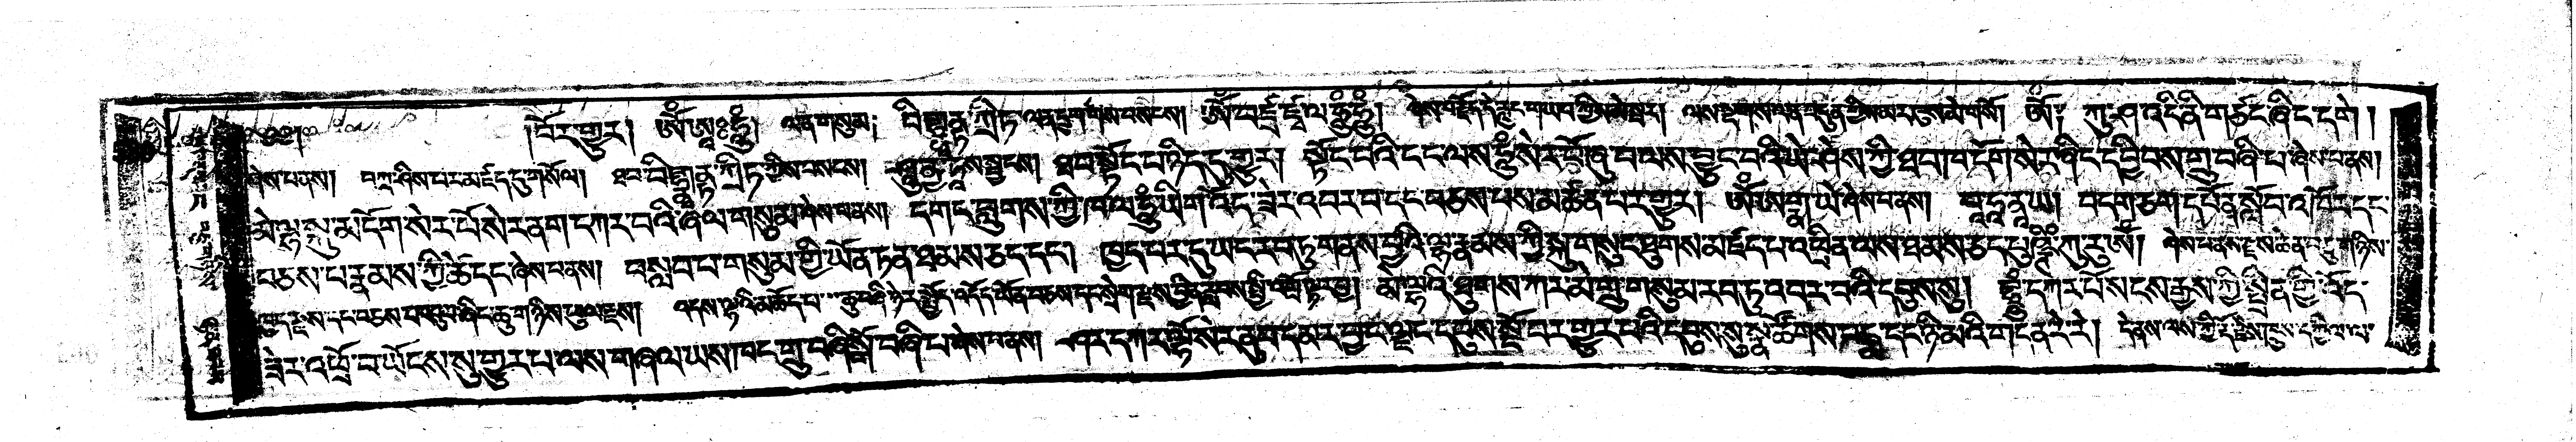༄༅། །བོར་གྱུར། ཨོཾ་ཨཱཿཧཱུཾ། ལན་གསུམ།  བིགྷྣཱནྟ་ཀྲིཏ་ལན་དྲུག་གིས་བསངས།  ཨོཾ་བཛྲ་ཛྭ་ལ་ཧཱུཾ་ཧཱུཾ། ཞེས་བརྗོད་དེ་རླུང་གཡབ་ཀྱིས་མེ་སྦར། ལས་སྔགས་ལན་བདུན་གྱིས་མར་ཁྲུས་མེ་བསོ།  ཨོཾ༑ ཀུ་ཤ་འདི་ནི་གཙང་ཞིང་དགེ །
ཞེས་པ་ནས། བཀྲ་ཤིས་པར་མཛད་དུ་གསོལ། ཐབ་བིགྷྣཱནྟ་ཀྲིཏ་ཀྱིས་བསངས།  ཤཱུ་ནྱ་ཏཱས་སྦྱངས། ཐབ་སྟོང་པ་ཉིད་དུ་གྱུར། སྟོང་པའི་ངང་ལས་ཧཱུཾ་སེར་པོ་ཞུ་བ་ལས་བྱུང་བའི་ཡེ་ཤེས་ཀྱི་ཐབ་ཁ་དོག་སེར་ཞིང་དབྱིབས་གྲུ་བཞི་པ་ཞེས་པ་ནས།
མེ་ལྷ་སྐུ་མདོག་སེར་པོ་སེར་ནག་དཀར་བའི་ཞལ་གསུམ་ཞེས་པ་ནས།  དགང་བླུགས་ཀྱི་ཁ་ལ་ཧཱུཾ་ཡིག་འོད་ཟེར་འབར་བ་དང་བཅས་པས་མཚན་པར་གྱུར། ཨོཾ་ཨགན་ཡེ་ཞེས་པ་ནས།  བཱ་ཧཱ་ནཱ་ཡ། བདག་ཅག་དཔོན་སློབ་འཁོར་དང་
བཅས་པ་རྣམས་ཀྱི་ཚེ་དང་ཞེས་པ་ནས།  བསླབ་པ་གསུམ་གྱི་ཡོན་ཏན་ཐམས་ཅད་དང་། ཁྱད་པར་དུ་ཡང་རབ་ཏུ་གནས་བྱའི་ལྷ་རྣམས་ཀྱི་སྐུ་གསུང་ཐུགས་མཛད་པ་འཕྲིན་ལས་ཐམས་ཅད་པུཥྚིཾ་ཀུ་རུ་ཨོཾ། ཞེས་པ་ནས་རྫས་ཆེན་བཅུ་གཉིས་
ཁྱད་རྫས་དང་བཅས་པ་འབུལ་ཞིང་ཆུ་གཉིས་ཕུལ་རྫས། འདས་ལྷའི་མཆོད་པ་་་ཆུ་བཞི་ཉེར་སྤྱོད་འདོད་ཡོན་བཅས་དང་སྲེག་རྫས་བྱིན་རླབས་སྤྱི་འགྲོ་ལྟར་བྱ། མེ་ལྷའི་ཐུགས་ཀར་མེ་གྲུ་གསུམ་རབ་ཏུ་འབར་བའི་དབུས་སུ། བྷཱུཾ་དཀར་པོ་སངས་རྒྱས་ཀྱི་སྤྲིན་གྱི་འོད་
ཟེར་འཕྲོ་པ་ཡོངས་སུ་གྱུར་བ་ལས་གཞལ་ཡས་ཁང་གྲུ་བཞི་སྒོ་བཞི་པ་ཞེས་པ་ནས།  ཤར་དཀར་ལྷོ་སེར་ནུབ་དམར་བྱང་ལྗང་དབུས་སྔོ་བར་གྱུར་པའི་དབུས་སུ་སྣ་ཚོགས་པདམ་དང་ཉི་མའི་གདན་རེ་རེ། དེ་ནས་ལས་ཀྱི་རྡོ་རྗེས་ཁྲུས་དཀྱིལ་ལ་